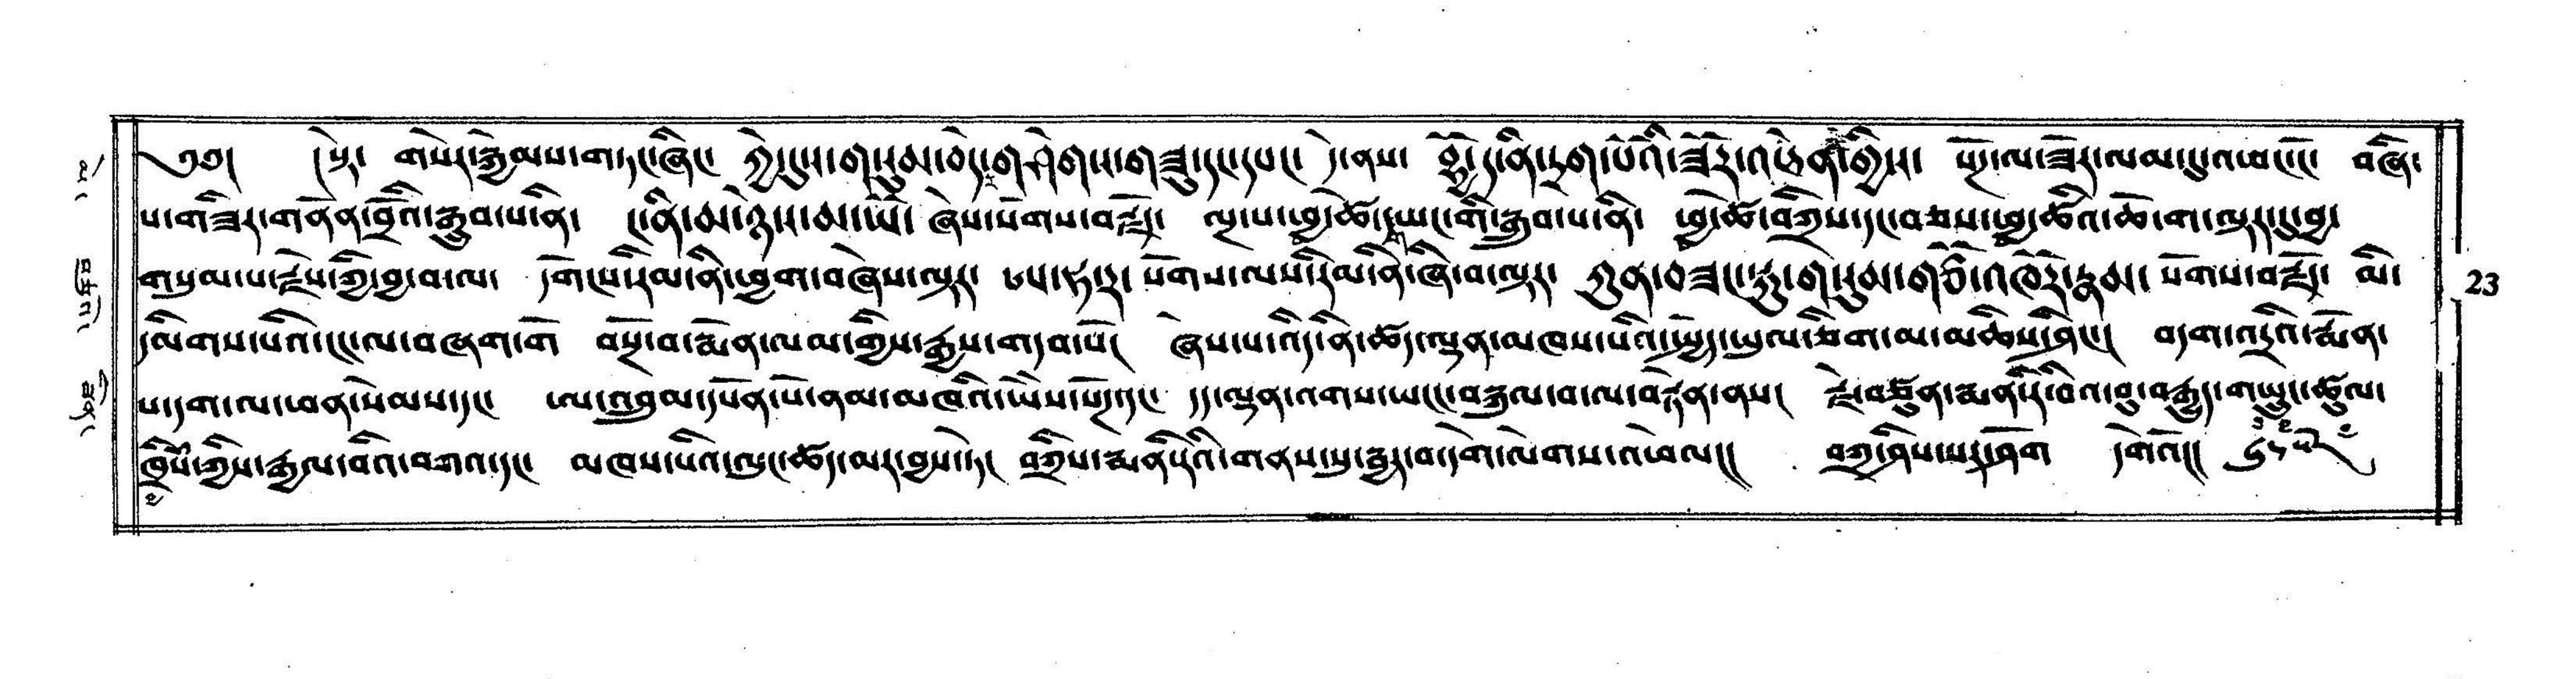སྟེ། གསེར་སྐྱེམས་གཏང་ཞིང་ཀྱེ་དུས་གསུམ་བདེར་གཤེགས་གཟུ་དང་དཔང་དེ་ནས་བྷྱོ་ད་ནི་དྲག་པོའི་ཟོར་འཕེན་གྱིས་སོགས་ལ་ཟོར་ལམ་དུ་འཕང་ངོ་བཞི་
པ་གཟིར་གནོན་བྲོའི་སྒྲུབ་པ་ནི་ང་ནི་མ་ཉེས་མ་ཡོ་ཞེས་སོགས་བརྗོད་ལྔ་པ་ཕྱྭ་ཚེ་གཡང་གི་སྒྲུབ་པ་ནི་ཕྱྭ་ཚེ་བཀྲ་ཤིས་དང་བཅས་ཕྱྭ་ཚེའི་ཆོ་ག་ལྟར་དུ་བྱ་
གསུམ་པ་རྗེས་ཀྱི་བྱ་བ་ལ་དགོངས་རིམ་ནི་ཕྱག་བཞེས་ལྟར་ཨ་ཧ་ར་སོགས་ལས་རིམ་ནི་ཞི་བ་ལྟར་ཀུན་བཟང་སྐུ་གསུམ་གཙོ་འཁོར་རྣམ་སོགས་བརྗོད་མི་
དམིགས་པའི་ངང་ལ་བཞག་གོ བསྔོ་བ་སྨོན་ལམ་གྱིས་རྒྱས་གདབ་པོ། ཞེས་པ་འདི་ནི་ཚད་ལྡན་མཁས་པའི་སྤྱོད་ཡུལ་ཅིག་མ་མཆིས་ཤིང་། བདག་འདྲའི་རྨོངས་
པ་དག་ལ་ཕན་སེམས་དང་ཨ་འབྲུམ་དཔོན་པོ་ནམ་མཁའི་ཡེ་ཤེས་སོགས་དང་དད་ལྡན་འགས་ཡང་ཡང་བསྐུལ་བ་ལ་བརྟེན་ནས། རྗེ་བཙུན་སྨན་རི་བའི་བུ་བརྒྱུད་གཡུང༵་དྲུང༵་ཚུལ༵་
ཁྲིམ༵ས་ཀྱིས་རྒྱལ་བའི་བཀའ་དང་མཁས་པའི་ལུང་ཚད་མར་བྱས་ཏེ། བཀྲ་ཤིས་སྨན་རིའི་གནས་སུ་སྦྱར་བ་དགེ་ལེགས་འཕེལ།། བཀྲ་ཤིས་པར་ཤོག དགེའོ།།